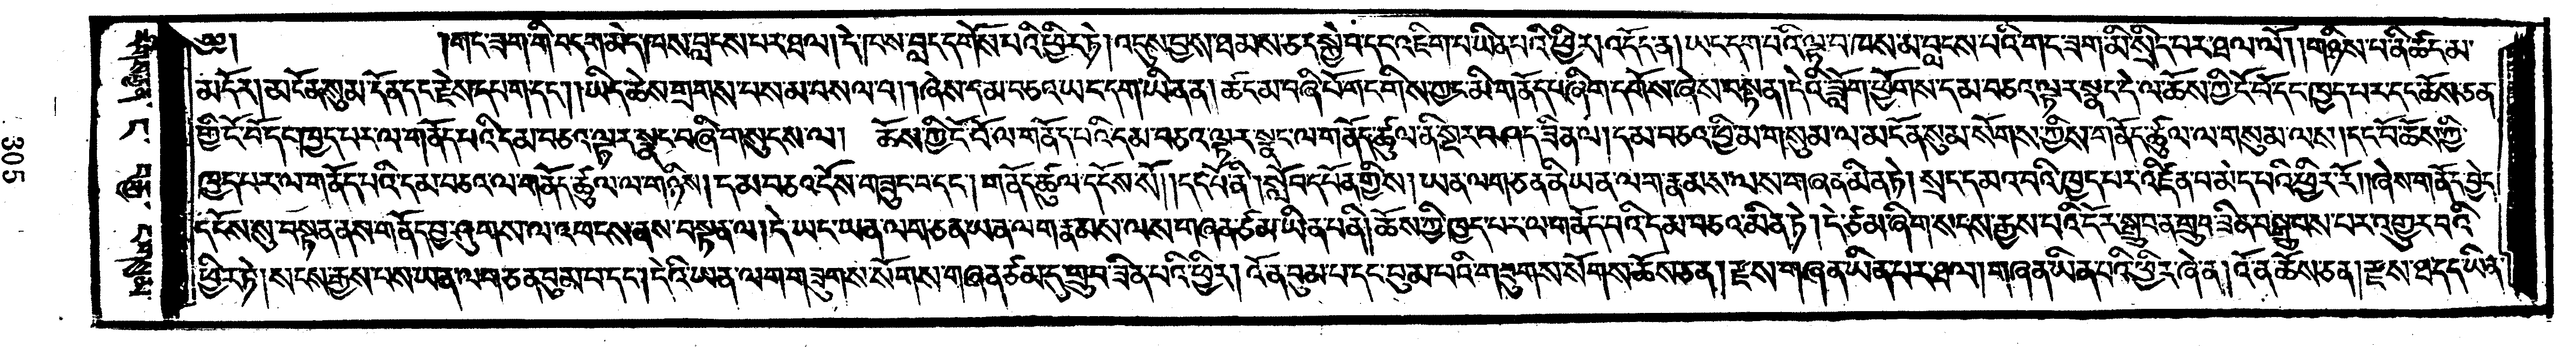༄༅། །གང་ཟག་གི་བདག་མེད་ཁས་བླངས་པར་ཐལ། དེ་ཁས་བླང་དགོས་པའི་ཕྱིར་ཏེ། འདུས་བྱས་ཐམས་ཅད་སྐྱེ་བ་དང་འཇིག་པ་ཡིན་པའི་ཕྱིར། འདོད་ན། ཡང་དག་པའི་ལྟ་བ་ཁས་མ་བླངས་པའི་གང་ཟག་མི་སྲིད་པར་ཐལ་ལོ། །གཉིས་པ་ནི་ཚད་མ་
མདོར། མངོན་སུམ་དོན་དང་རྗེས་དཔག་དང་། །ཡིད་ཆེས་གྲགས་པས་མ་བསལ་བ། །ཞེས་དམ་བཅའ་ཡང་དག་ཡིན་ན། ཚད་མ་བཞི་པོ་གང་གིས་ཀྱང་མི་གནོད་པ་ཞིག་དགོས་ཞེས་བསྟན། དེའི་ཟློག་ཕྱོགས་དམ་བཅའ་ལྟར་སྣང་དེ་ལ་ཆོས་ཀྱི་ངོ་བོ་དང་ཁྱད་པར་དང་ཆོས་ཅན་
གྱི་ངོ་བོ་དང་ཁྱད་པར་ལ་གནོད་པའི་དམ་བཅའ་ལྟར་སྣང་བཞི་གསུངས་ལ། ཆོས་ཀྱི་ངོ་བོ་ལ་གནོད་པའི་དམ་བཅའ་ལྟར་སྣང་ལ་གནོད་ཚུལ་ནི་སྔར་བཤད་ཟིན་ལ། དམ་བཅའ་ཕྱི་མ་གསུམ་ལ་མངོན་སུམ་སོགས་ཀྱིས་གནོད་ཚུལ་ལ་གསུམ་ལས། དང་པོ་ཆོས་ཀྱི་
ཁྱད་པར་ལ་གནོད་པའི་དམ་བཅའ་ལ་གནོད་ཚུལ་ལ་གཉིས། དམ་བཅའ་ངོས་གཟུང་བ་དང་། གནོད་ཚུལ་དངོས་སོ། །དང་པོ་ནི། སློབ་དཔོན་གྱིས། ཡན་ལག་ཅན་ནི་ཡན་ལག་རྣམས་ལས་གཞན་མིན་ཏེ། སྲང་དམའ་བའི་ཁྱད་པར་འཛིན་པ་མེད་པའི་ཕྱིར་རོ། །ཞེས་གནོད་བྱེད་
དངོས་སུ་བསྟན་ནས་གནོད་བྱ་ཤུགས་ལ་འཕངས་ནས་བསྟན་ལ། དེ་ཡང་ཡན་ལག་ཅན་ཡན་ལག་རྣམས་ལས་གཞན་ཙམ་ཡིན་པ་ནི། ཆོས་ཀྱི་ཁྱད་པར་ལ་གནོད་པའི་དམ་བཅའ་མིན་ཏེ། དེ་ཙམ་ཞིག་སངས་རྒྱས་པའི་ངོར་སྒྲུབ་ན་གྲུབ་ཟིན་བསྒྲུབས་པར་འགྱུར་བའི་
ཕྱིར་ཏེ། སངས་རྒྱས་པས་ཡན་ལག་ཅན་བུམ་པ་དང་། དེའི་ཡན་ལག་གཟུགས་སོགས་གཞན་ཙམ་དུ་གྲུབ་ཟིན་པའི་ཕྱིར། འོ་ན་བུམ་པ་དང་བུམ་པའི་གཟུགས་སོགས་ཆོས་ཅན། རྫས་གཞན་ཡིན་པར་ཐལ། གཞན་ཡིན་པའི་ཕྱིར་ཞེ་ན། འོ་ན་ཆོས་ཅན། རྫས་ཐ་དད་ཡིན་